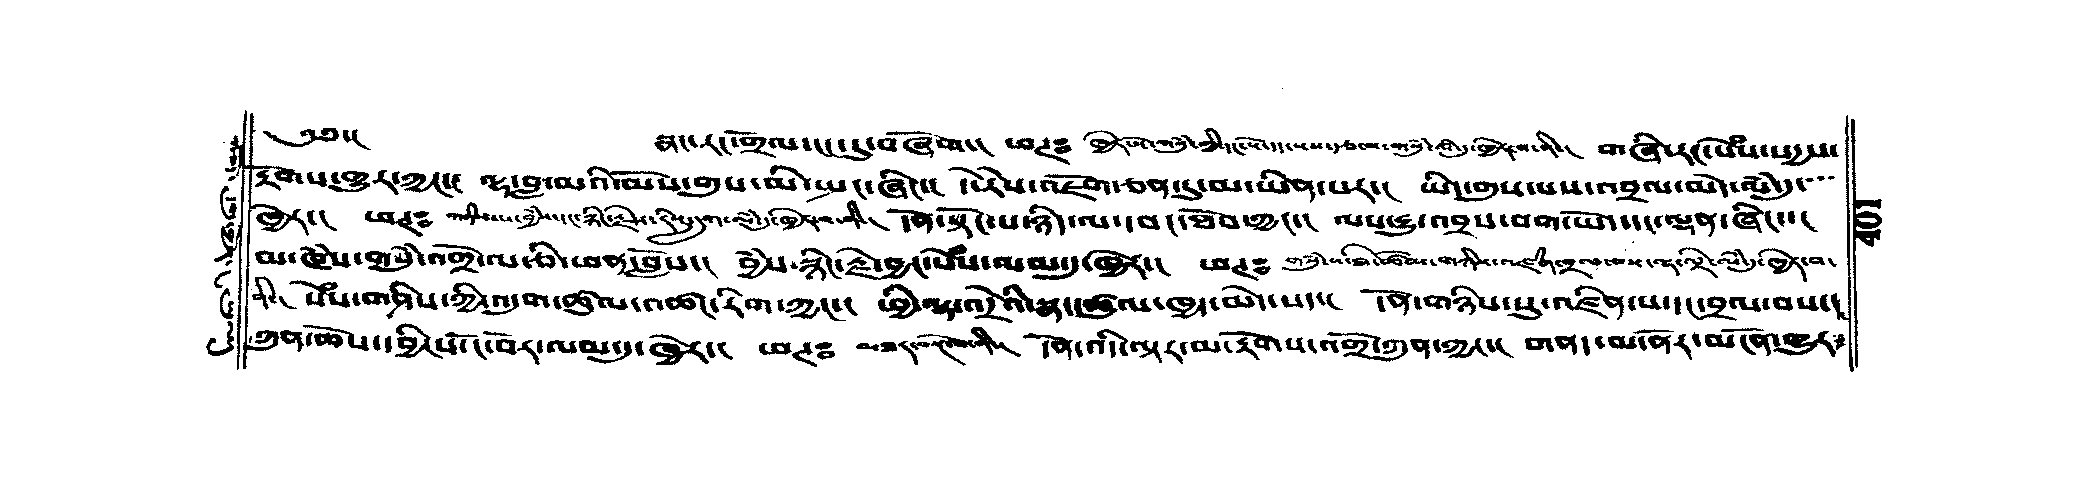བློ་བྲལ་དུ་བསྒྱུར་ཚུལ་ནི། སེམས་ཀུན་རྟོག་སྣ་ཚོགས་འཕྲོ་འཕྲོ་བ། །འདི་ཇི་ལྟར་བཅོས་ཀྱང་འཁོར་བའི་རྒྱུ། །ཕཊཿཁྱེར་སོ་གསུམ་གྱི་དང་པོ་དད་པས་རྩ་བ་གསུམ་ལམ་དུ་ཁྱེར་བ་ནི། གཞི་རང་སེམས་སངས་རྒྱས་
རྟོགས་གྱུར་ཀྱང་། །ལྷ་བླ་མའི་མོས་གུས་མི་སྤང་ཞིང་། །དེ་རེས་འཇོག་ཅན་དུ་མ་ཡིན་པར། །ཡིད་གུས་པས་འབྲལ་མེད་ལམ་དུ་
ཁྱེར། །ཕཊཿགཉིས་པ་བྱམས་དང་སྙིང་རྗེས་རིས་དྲུག་ལམ་དུ་ཁྱེར་བ་ནི། དོན་སྟོང་པ་ཉིད་ལ་དབང་ཐོབ་ཀྱང་། །ལས་རྒྱུ་འབྲས་བག་ཡོད་དང་ལྡན་ཞིང་། །
མ་ཁམས་གསུམ་འགྲོ་ལ་ཅི་ཕན་བློས། །བྱམས་སྙིང་རྗེ་བྱང་སེམས་ལམ་དུ་ཁྱེར། །ཕཊཿགསུམ་པ་ཐེ་ཚོམ་གཉིས་འཛིན་བྲལ་བས་ལྷ་འདྲེ་ལམ་དུ་ཁྱེར་བ་
ནི།སེམས་གཤིས་ཀྱི་འདུག་ཚུལ་འཚང་རིག་ཀྱང་། །ཕྱི་ལྷ་འདྲེའི་སྣང་ཚུལ་ཁྱད་མེད་པ། །དོན་གཉིས་སུ་འཛིན་པ་དང་བྲལ་བས། །
ཀུན་ཆོས་དབྱིངས་ངོ་བོར་ལམ་དུ་ཁྱེར། །ཕཊཿམཐར་བསྔོ་བ་ནི། དོན་འདི་ལྟར་མ་རྟོགས་འགྲོ་ཀུན་ཀྱང་། །གནད་མ་ནོར་མངོན་གྱུར་